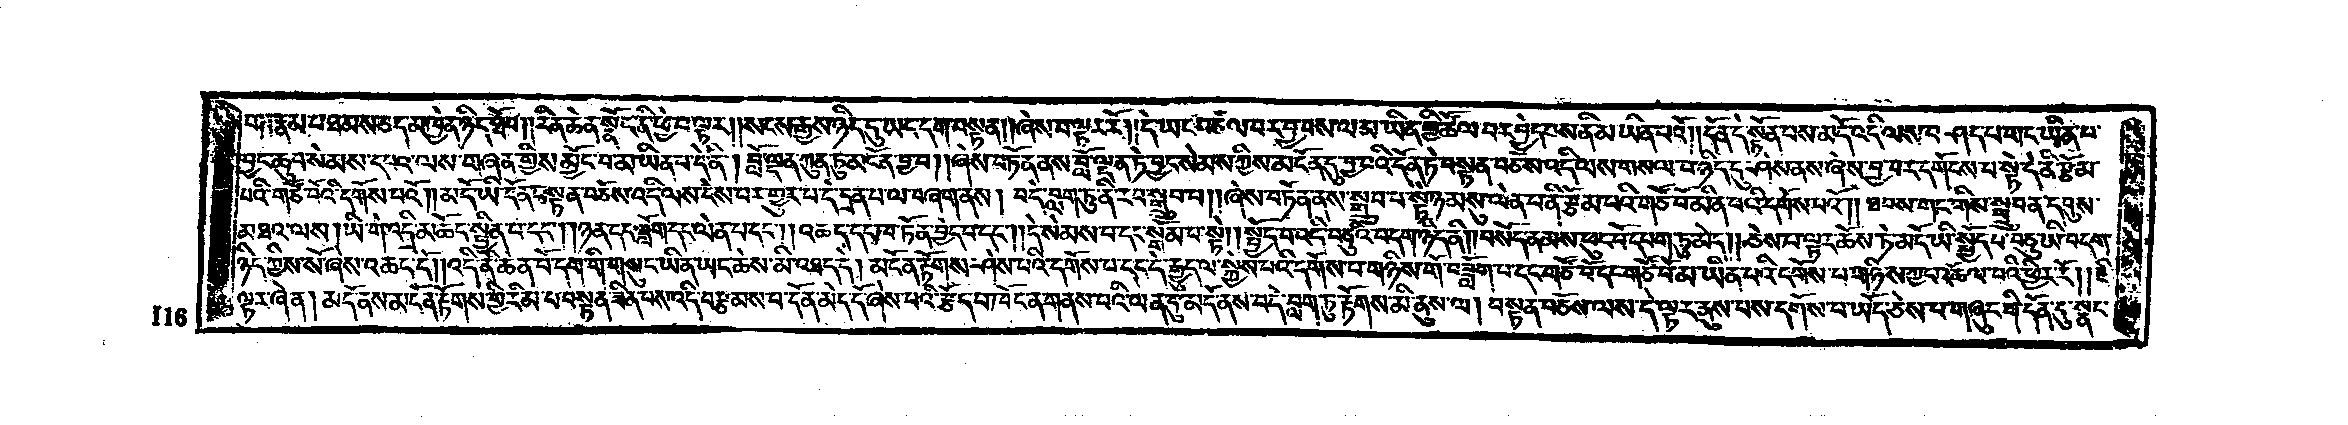པ། །རྣམ་པ་ཐམས་ཅད་མཁྱེན་ཉིད་ཐོབ། །རིན་ཆེན་སྣོད་ནི་ཕྱེ་བ་ལྟར། །སངས་རྒྱས་ཉིད་དུ་ཡང་དག་བསྟན། །ཞེས་པ་ལྟར་རོ། །དེ་ཡང་བཙལ་བར་བྱ་བས་ལམ་ཡིན་གྱི་ཚོལ་བར་བྱེད་པས་ནི་མ་ཡིན་པའོ། །དོན་དེ་སྟོན་པས་མདོ་འདི་ལས་བཤད་པ་གང་ཡིན་པ་
བྱང་ཆུབ་སེམས་དཔའ་ལས་གཞན་གྱིས་མྱོང་བ་མ་ཡིན་པ་དེ་ནི། བློ་ལྡན་ཀུན་ཏུ་མངོན་བྱ་བ། །ཞེས་བཏོན་ནས་བློ་ལྡན་ཏེ་བྱང་སེམས་ཀྱིས་མངོན་དུ་བྱ་བའི་དོན་ཏེ་བསྟན་བཅོས་འདི་ལས་གསལ་བ་ཉིད་དུ་ཤེས་ནས་ཞེས་བྱ་བར་དགོངས་པ་སྟེ་དེ་ནི་མེད་?
པའི་གཙོ་བོའི་དགོས་པའོ། །མདོ་ཡི་དོན་བསྟན་བཅོས་འདི་ལས་ངེས་པར་གྱུར་པ་དེ་དྲན་པ་ལ་བཞག་ནས། བདེ་བླག་ཏུ་ནི་རབ་སྒྲུབ་པ། །ཞེས་བཏོན་ནས་སྒྲུབ་པ་སྟེ་ཉམས་སུ་ལེན་པ་ནི་རྩོམ་པའི་གཙོ་བོ་མིན་པའི་དགོས་པའོ། །ཐབས་གང་གིས་སྒྲུབ་ན་དབུས་
མཐའ་ལས། ཡི་གེ་འདྲི་མཆོད་སྦྱིན་པ་དང་། །ཉན་དང་ཀློག་དང་ལེན་པ་དང་། །འཆད་དང་ཁ་ཏོན་བྱེད་པ་དང་། །དེ་སེམས་པ་དང་སྒོམ་པ་སྟེ། །སྤྱོད་པ་འདི་བཅུའི་བདག་ཉིད་ནི། །བསོད་ནམས་ཕུང་པོ་དཔག་ཏུ་མེད། །ཅེས་པ་ལྟར་ཆོས་ཏེ་མདོ་ཡི་སྤྱོད་པ་བཅུ་ཡི་བདག་
ཉིད་ཀྱིས་སོ་ཞེས་འཆད་དོ། །འདི་ནི་ཆེན་པོ་དག་གི་གསུང་ཡིན་ཡང་ཆེས་མི་འཐད་དེ། མངོན་རྟོགས་ཤེས་པའི་དགོས་པ་དང་དེ་རྒྱུད་ལ་སྐྱེས་པའི་དགོས་པ་གཉིས་གོ་བཟློག་པ་དང་གཙོ་བོ་དང་གཙོ་བོ་མ་ཡིན་པའི་དགོས་པ་གཉིས་ཀྱང་འཚོལ་བའི་ཕྱིར་རོ། །ཇི་
ལྟར་ཞེ་ན། མདོ་ནས་མངོན་རྟོགས་ཀྱི་རིམ་པ་བསྟན་ཟིན་པས་འདི་བརྩམས་པ་དོན་མེད་དོ་ཞེས་པའི་རྩོད་པ་ཁོང་ན་གནས་པའི་ལེན་དུ་མདོ་ནས་བདེ་བླག་ཏུ་རྟོགས་མི་ནུས་ལ། བསྟན་བཅོས་ལས་དེ་ལྟར་ནུས་པས་དགོས་པ་ཡོད་ཅེས་པ་གཞུང་གི་དོན་དུ་སྣང་